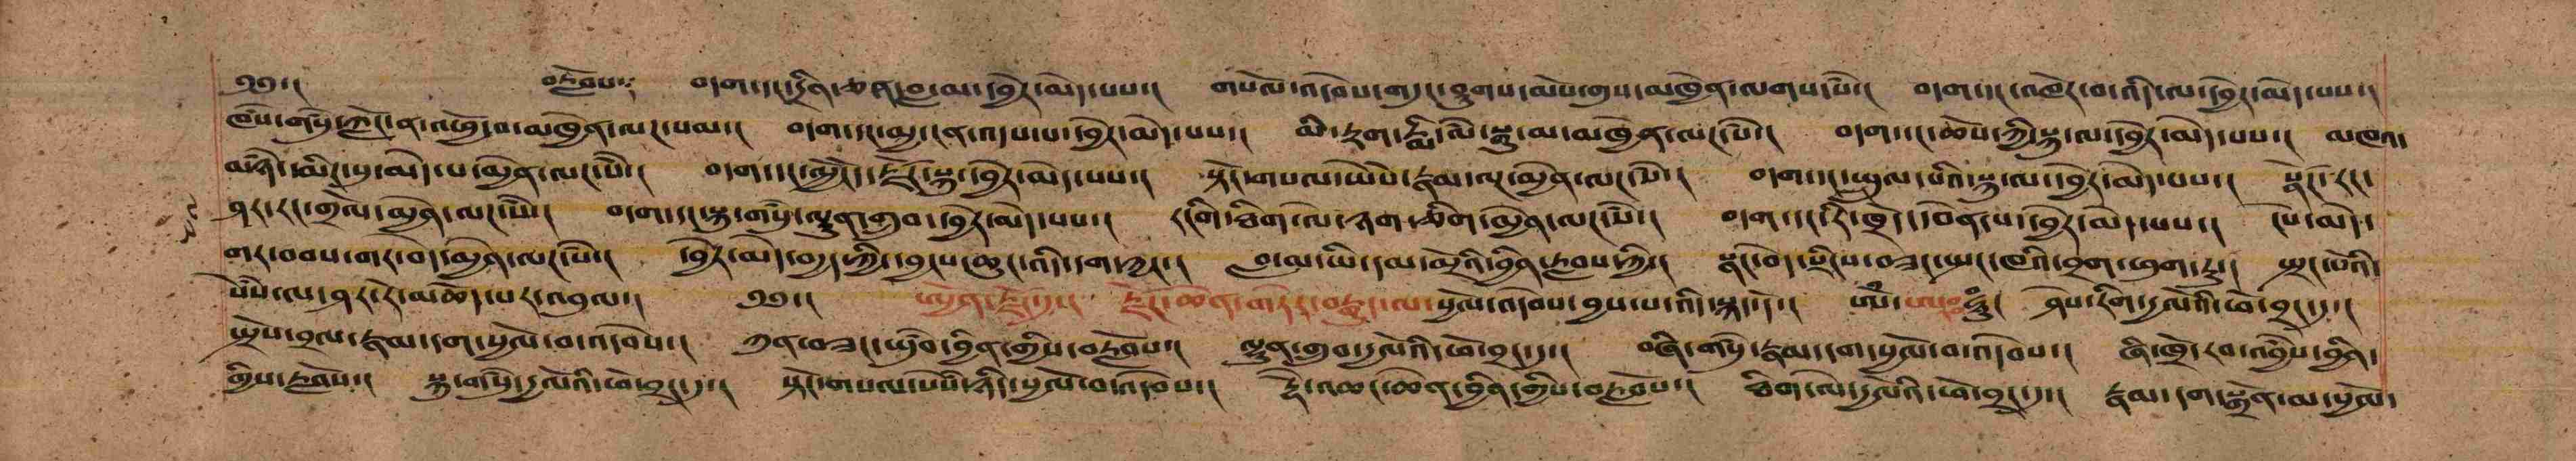༄༅་། བརློབས། བདག་དང་དྲིན་ཅན་བླ་མ་དབྱེར་མེད་པས། གསོལ་འདེབས་གདུང་ཤུགས་མོས་གུས་མཁྱེན་ལགས་སམ། བདག་དང་འཁོར་བ་འདི་ལ་དབྱེར་མེད་པས། 
ཁམས་གསུམ་ཀློང་ན་འཕྱོ་བ་མཁྱེན་ལགས་སམ། བདག་དང་མྱ་ངན་འདས་པ་དབྱེར་མེད་པས། མི་རྟག་རྨི་ལམ་སྒྱུ་མ་མཁྱེན་ལགས་སམ། བདག་དང་ཆོས་ཀྱི་སྐུ་ལ་དབྱེར་མེད་པས། མཁའ་
མཉམ་དམིགས་སུ་མེད་པ་མྱེན་ལགས་སམ། བདག་དང་ལོངས་སྤྱོད་རྫོགས་སྐུ་དབྱེར་མེད་པས། སྟོང་གསལ་ཡེ་ཤེས་རྣམ་ལྔ་མྱེན་ལགས་སམ། བདག་དང་སྤྲུལ་པའི་སྐུ་ལ་དབྱེར་མེད་པས། སྣ་ཚོགས་རང་
ཤར་རང་གྲོལ་མྱེན་ལགས་སམ། བདག་དང་སྐུ་གསུམ་ལྷུན་གྲུབ་དབྱེར་མེད་པས། རང་རིག་ཐིག་ལེ་ཉག་ཅིག་མྱེན་ལགས་སམ། བདག་དང་རི་ཁྲོད་དབེན་པ་དབྱེར་མེད་པས། ངོས་མེད་
གར་བབས་གར་བདེ་མྱེན་ལགས་སམ། དབྱེར་མེད་བརྒྱད་ཀྱི་དབྱངས་ཆུང་འདི་དག་ཀྱང་། བླ་མ་ཡི་དམ་མཁའ་འགྲོའི་བྱིན་རླབས་ཀྱི། སྣང་བདེ་སྡིངས་བཟང་སྤང་ཁའི་བྲག་ཕུག་ཏུ། སྤྲང་པོའི་
སེམས་ལ་ཤར་རེ་མཆོད་པར་འབུལ། ༄༅་། ཨོ་རྒྱན་རྫོང་དུ། རྫོགས་ཆེན་གཏེང་བརྒྱུད་ལ་གསོལ་འདེབས་བྱས་པ་འདི་སྐད་དོ། ཨོཾ་ཨཿཧཱུཾ། ཤེས་རིག་རྒྱལ་པོའི་ཕོ་བྲང་དུ། 
སྤྲོས་བྲལ་རྣམ་དག་གསོལ་བ་འདེབས། ཀུན་བཟང་ཡབ་ཡུམ་བྱིན་གྱིས་བརློབས། ལྷུན་གྲུབ་རྒྱལ་པོའི་ཕོ་བྲང་དུ། བཞི་གསུམ་རྣམ་དག་གསོལ་བ་འདེབས། ཞི་ཁྲོ་རབ་འབྱམས་བྱིན་
གྱིས་རློབས། སྐུ་གསུམ་རྒྱལ་པོའི་ཕོ་བྲང་དུ། སྟོང་གསལ་སེམས་ཉིད་གསོལ་བ་འདེབས། རྡོ་རྗེ་འཆང་ཆེན་བྱིན་གྱིས་བརློབས། ཐིག་ལེ་རྒྱལ་པོའི་ཕོ་བྲང་དུ། རྣམ་དག་སྒྲོན་མ་གསོལ་